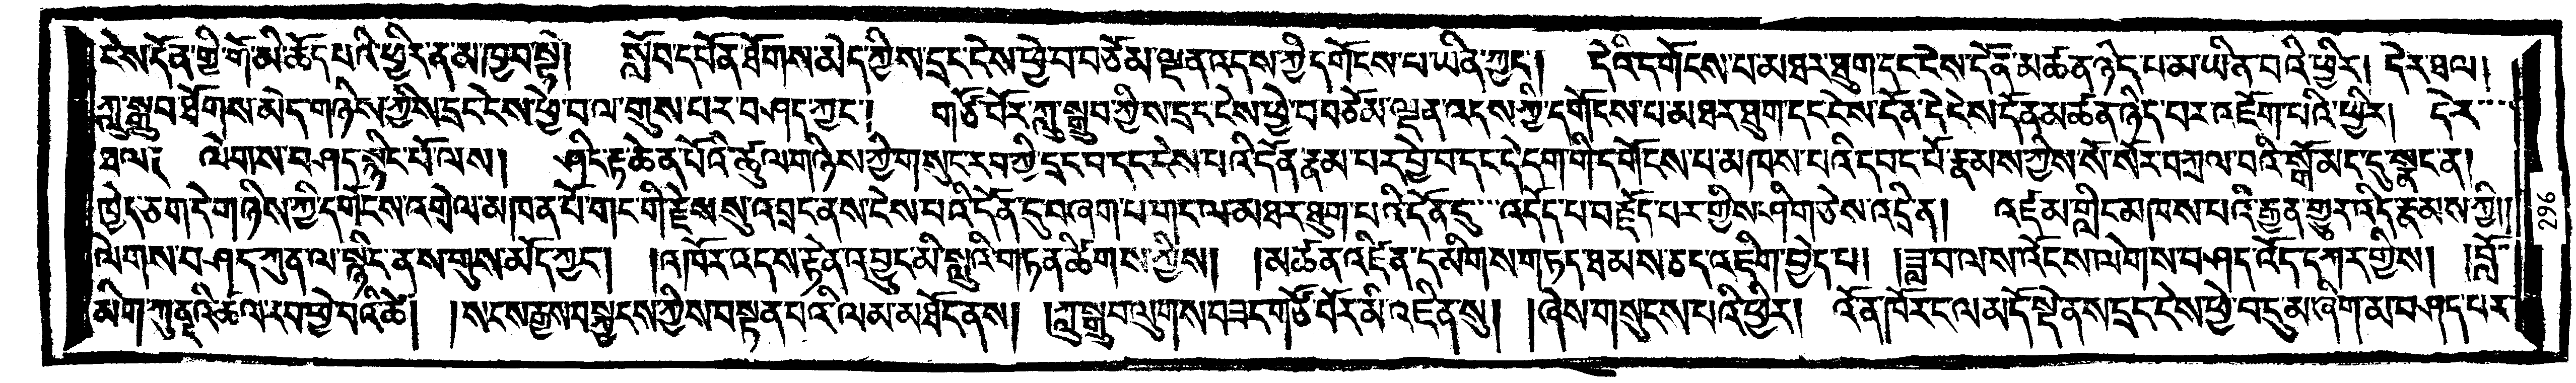ངེས་དོན་གྱི་གོ་མི་ཆོད་པའི་ཕྱིར་ན་མ་ཁྱབ་སྟེ། སློབ་དཔོན་ཐོགས་མེད་ཀྱིས་དྲང་ངེས་ཕྱེ་བ་བཅོམ་ལྡན་འདས་ཀྱི་དགོངས་པ་ཡིན་ཀྱང་། དེའི་དགོངས་པ་མཐར་ཐུག་དང་ངེས་དོན་མཚན་ཉིད་པ་མ་ཡིན་པའི་ཕྱིར། དེར་ཐལ།
ཀླུ་སྒྲུབ་ཐོགས་མེད་གཉིས་ཀྱིས་དྲང་ངེས་ཕྱེ་བ་ལ་གུས་པར་བཤད་ཀྱང་། གཙོ་བོར་ཀླུ་སྒྲུབ་ཀྱིས་དྲང་ངེས་ཕྱེ་བ་བཅོམ་ལྡན་འདས་ཀྱི་དགོངས་པ་མཐར་ཐུག་དང་ངེས་དོན་དེ་ངེས་དོན་མཚན་ཉིད་པར་འཇོག་པའི་ཕྱིར། དེར་
ཐལ༑ ལེགས་བཤད་སྙིང་པོ་ལས། ཤིང་རྟ་ཆེན་པོའི་ཚུལ་གཉིས་ཀྱི་གསུང་རབ་ཀྱི་དྲང་བ་དང་ངེས་པའི་དོན་རྣམ་པར་བྱེ་བ་དང་དེ་དག་གི་དགོངས་པ་མཁས་པའི་དབང་པོ་རྣམས་ཀྱིས་སོ་སོར་བཀྲལ་བའི་སྒོ་མང་དུ་སྣང་ན།
ཁྱེད་ཅག་དེ་གཉིས་ཀྱི་དགོངས་འགྲེལ་མཁན་པོ་གང་གི་རྗེས་སུ་འབྲང་ནས་ངེས་པའི་དོན་དུ་བཞག་པ་གང་ལ་མཐར་ཐུག་པའི་དོན་དུ་འདོད་པ་བརྗོད་པར་གྱིས་ཤིག་ཅེས་འདྲི་ན། འཛམ་གླིང་མཁས་པའི་རྒྱན་གྱུར་འདི་རྣམས་ཀྱི།།
ལེགས་བཤད་ཀུན་ལ་སྙིང་ནས་གུས་མོད་ཀྱང་། །འཁོར་འདས་རྟེན་འབྱུང་མི་སླུའི་གཏན་ཚིགས་ཀྱིས། །མཚན་འཛིན་དམིགས་གཏད་ཐམས་ཅད་འཇིག་བྱེད་པ། །ཟླ་བ་ལས་འོངས་ལེགས་བཤད་འོད་དཀར་གྱིས། །བློ་
མིག་ཀུནྡའི་ཚལ་རབ་ཕྱེ་བའི་ཚེ། །སངས་རྒྱས་བསྐྱངས་ཀྱིས་བསྟན་པའི་ལམ་མཐོང་ནས། །ཀླུ་སྒྲུབ་ལུགས་བཟང་གཙོ་བོར་མི་འཛིན་སུ། །ཞེས་གསུངས་པའི་ཕྱིར། འོ་ན་ཁོ་རང་ལ་མདོ་སྡེ་ནས་དྲང་ངེས་ཕྱེ་བ་དུ་མ་ཞིག་མ་བཤད་པར་